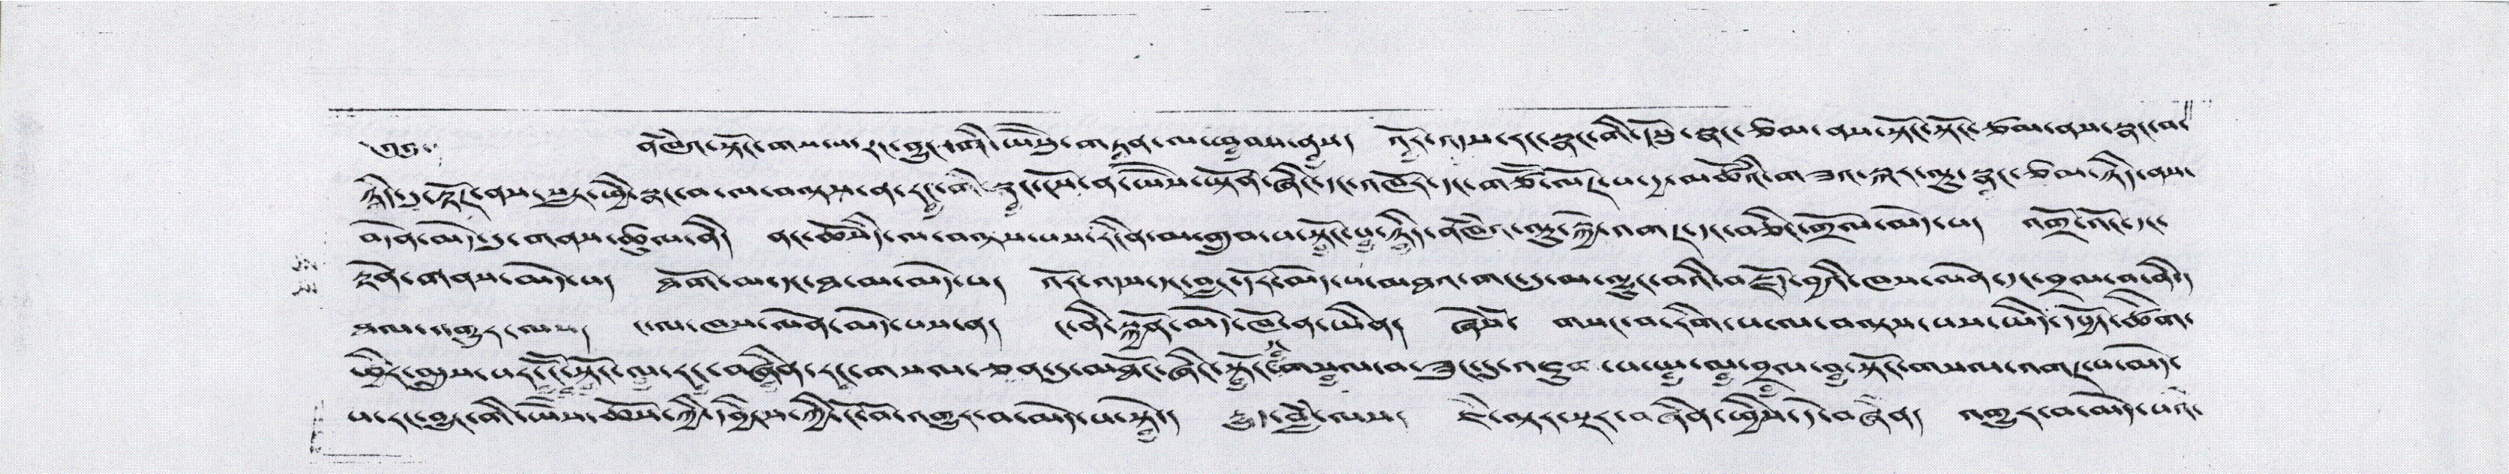ནམ་མཁའ་སྟོང་གསལ་རང་འབྱུང་གི་ཡེ་ཤེས་སུ་གཏན་ལ་ཕབ་ནས། འཁོར་འདས་རང་སྣང་གི་ངོས་སུ་སྣང་ཙམ་ནས་སྟོང་སྟོང་ཙམ་ནས་སྣང་བ་
ཉིད་དུ་རྟོགས་ནས་སླར་ཕྱི་སྣང་བ་ལ་བལྟས་ན་རང་གི་སྣང་ངོས་ན་ཡེ་ཤེས་ཡོན་ཏན་ཞིང་དང་འཁོར་དང་གཙོ་བོ་ལ་སོགས་པ་རྒྱ་མཚོའི་གཟའ་སྐར་ལྟ་བུ་སྣང་ཙམ་ཉིད་ནས་
བདེན་མེད་དུ་གནས་ཚུལ་ནི། ནང་ཆོས་ཉིད་ལ་བལྟས་པས་རང་བཞིན་མ་གྲུབ་པ་སྟོང་པ་ཉིད་ནམ་མཁའ་ལྟ་བུ་སྐྱེ་འགག་དང་བཅིང་གྲོལ་མེད་པ། འགྲོ་འོིང་དང་
རྟེན་གནས་མེད་པ། ཐོག་མ་དང་ཐ་མ་མེད་པ། འཁོར་འདས་དང་བླང་དོར་མེད་པ། མཐའ་གང་དུ་ཡང་མ་ལྷུང་བའི་བརྗོད་བྱའི་ཁས་ལེན་དང་བྲལ་བ་ནི། 
ཐལ་འགྱུར་ལས། ང་ལ་ཁས་ལེན་མེད་པས་ན། ང་ནི་སྐྱོན་མེད་ཁོ་ན་ཡིན། ཞེས་སོ། གསང་བ་རིག་པ་ལ་བལྟས་པས། ཡིད་དཔྱོད་ཚིག་
ཕྱིར་མ་ལུས་པར་ངོ་བོ་སྟོང་ལ་རང་བཞིན་རང་གསལ་ཅན་དུ་མཐོང་ཞིང་སྟོང་དང་གསལ་བ་ཟུང་དུ་འཇུག་པ་ཡ་མ་བྲལ་བ་སྟོང་གསལ་འགག་པ་མེད་
པ་རང་བྱུང་གི་ཡེ་ཤེས་ཆོས་ཀྱི་དབྱིངས་ཀྱི་ངོ་བོ་འགྱུར་བ་མེད་པ་སྟེ། རྒྱུད་བླ་མ་ལས། ཇི་ལྟར་སྔར་བཞིན་ཕྱིས་དེ་བཞིན། འགྱུར་བ་མེད་པའི་